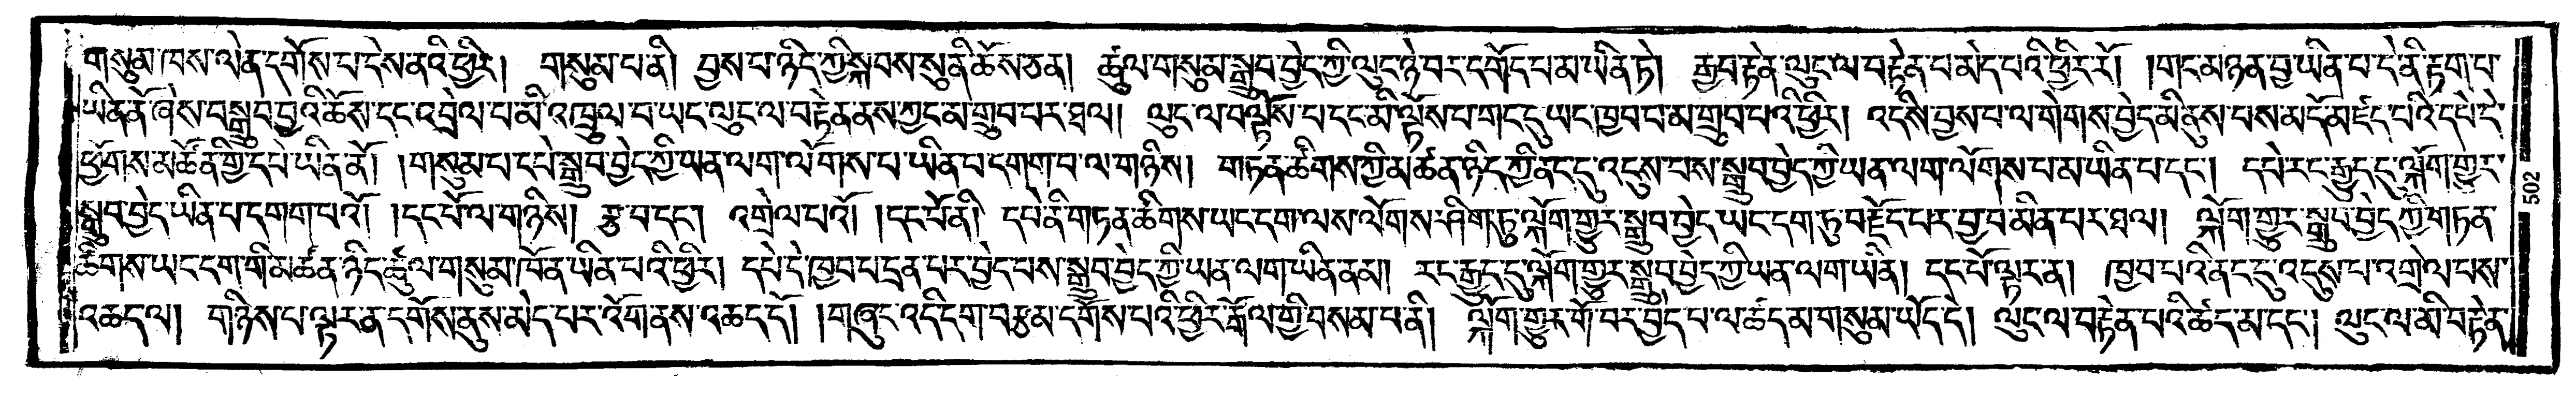གསུམ་ཁས་ལེན་དགོས་པ་དེས་ནའི་ཕྱིར། གསུམ་པ་ནི། བྱས་པ་ཉིད་ཀྱི་སྐབས་སུ་ནི་ཆོས་ཅན། ཚུལ་གསུམ་སྒྲུབ་བྱེད་ཀྱི་ལུང་ཉེ་བར་དགོད་པ་མ་ཡིན་ཏེ། རྒྱབ་རྟེན་ལུང་ལ་བརྟེན་པ་མེད་པའི་ཕྱིར་རོ། །གང་མཉན་བྱ་ཡིན་པ་དེ་ནི་རྟག་པ་
ཡིན་ནོ་ཞེས་བསྒྲུབ་བྱའི་ཆོས་དང་འབྲེལ་པ་མི་འཁྲུལ་བ་ཡང་ལུང་ལ་བརྟེན་ནས་ཀྱང་མ་གྲུབ་པར་ཐལ། ལུང་ལ་བལྟོས་པ་དང་མི་ལྟོས་པ་གང་དུ་ཡང་ཁྱབ་པ་མ་གྲུབ་པའི་ཕྱིར། འདིས་བྱས་པ་ལ་གེགས་བྱེད་མི་ནུས་པས་མདོ་མཛད་པའི་དཔེ་དེ་
ཕྱོགས་མཚོན་གྱི་དཔེ་ཡིན་ནོ། །གསུམ་པ་དཔེ་སྒྲུབ་བྱེད་ཀྱི་ཡན་ལག་ལོགས་པ་ཡིན་པ་དགག་པ་ལ་གཉིས། གཏན་ཚིགས་ཀྱི་མཚན་ཉིད་ཀྱི་ནང་དུ་འདུས་པས་སྒྲུབ་བྱེད་ཀྱི་ཡན་ལག་ལོགས་པ་མ་ཡིན་པ་དང་། དཔེ་རང་རྒྱུད་དུ་ལྐོག་གྱུར་
སྒྲུབ་བྱེད་ཡིན་པ་དགག་པའོ། །དང་པོ་ལ་གཉིས། རྩ་བ་དང་། འགྲེལ་པའོ། །དང་པོ་ནི། དཔེ་ནི་གཏན་ཚིགས་ཡང་དག་ལས་ལོགས་ཤིག་ཏུ་ལྐོག་གྱུར་སྒྲུབ་བྱེད་ཡང་དག་ཏུ་བརྗོད་པར་བྱ་བ་མིན་པར་ཐལ། ལྐོག་གྱུར་སྒྲུབ་བྱེད་ཀྱི་གཏན་
ཚིགས་ཡང་དག་གི་མཚན་ཉིད་ཚུལ་གསུམ་ཁོ་ན་ཡིན་པའི་ཕྱིར། དཔེ་དེ་ཁྱབ་པ་དྲན་པར་བྱེད་པས་སྒྲུབ་བྱེད་ཀྱི་ཡན་ལག་ཡིན་ནམ། རང་རྒྱུད་དུ་ལྐོག་གྱུར་སྒྲུབ་བྱེད་ཀྱི་ཡན་ལག་ཡིན། དང་པོ་ལྟར་ན། ཁྱབ་པའི་ནང་དུ་འདུས་པ་འགྲེལ་པས་
འཆད་ལ། གཉིས་པ་ལྟར་ན་དགོས་ནུས་མེད་པར་འོག་ནས་འཆད་དོ། །གཞུང་འདི་དག་བརྩམ་དགོས་པའི་ཕྱིར་རྒོལ་གྱི་བསམ་པ་ནི། ལྐོག་གྱུར་གོ་བར་བྱེད་པ་ལ་ཚད་མ་གསུམ་ཡོད་དེ། ལུང་ལ་བརྟེན་པའི་ཚད་མ་དང་། ལུང་ལ་མི་བརྟེན་